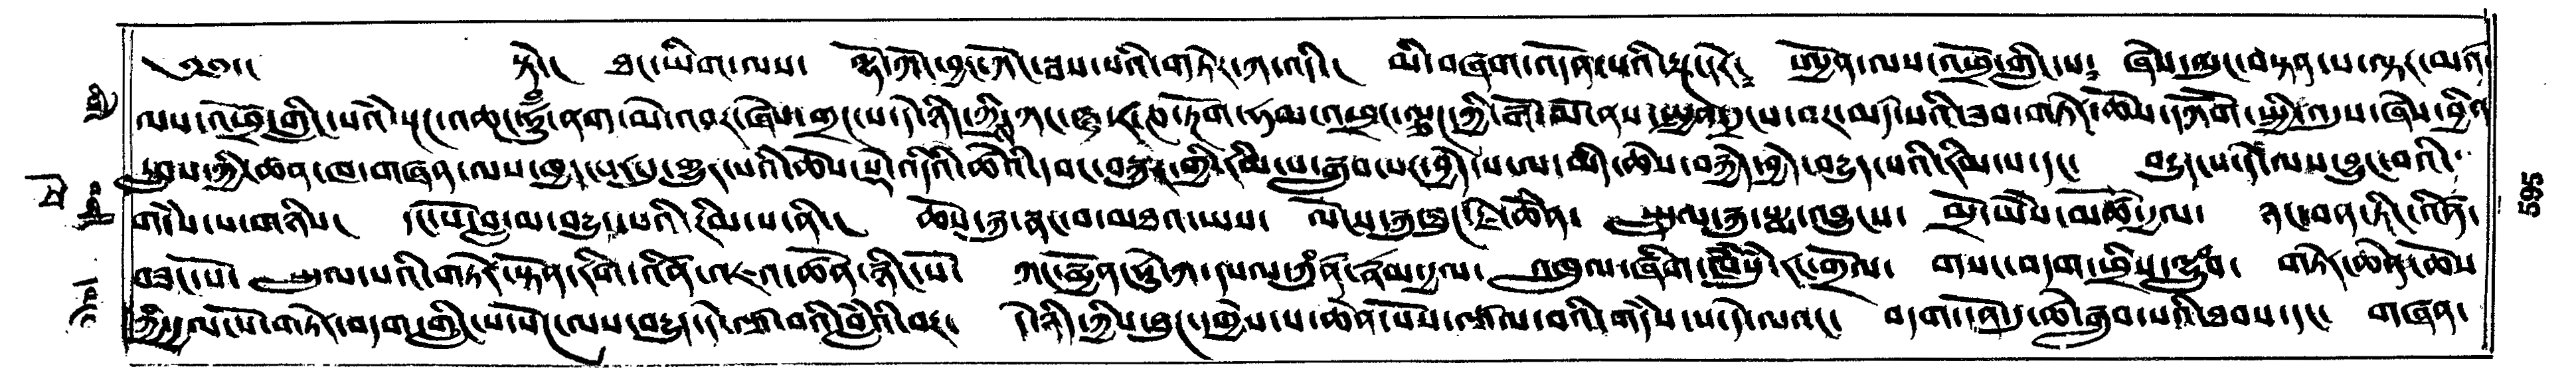སྟེ། ཐང་ཡིག་ལས། ལྷོ་ཀོང་བྱང་ཀོང་སྦས་པའི་གཏེར་ཁ་འདི། མི་བཞག་འདོན་པའི་རྟགས་དེ༴ ཨོ་རྒྱན་ལས་འཕྲོ་གླིང་པ༴ ཞེས་ལུང་བསྟན་པ་ལྟར། 
ལས་འཕྲོ་གླིང་པའམ་སྔགས་འཆང་ཧཱུྃ་ནག་མེ་འབར་ཞེས་གྲགས་པ་དེ་ཉིད་ཀྱིས་ཀོང་ཡུལ་ཝ་རུ་ཎ་རྡོད་ཧོམ་འཕྲང་ལྕགས་ཀྱི་སྒོ་མོ་ནས་སྤྱན་དྲངས་བར་མཛད་པའི་ཟབ་མོའི་གཏེར་ཆོས་དཀོན་མཆོག་སྤྱི་འདུས་ཞེས་བྱིན་
རླབས་ཀྱི་ཚན་ཁ་གཞན་ལས་ཁྱད་པར་དུ་གྱུར་པའི་ཆོས་སྡེ་འདིའི་ཚེའི་དབང་བསྐུར་གྱི་རིམ་པ་སྒྲུབ་པར་བྱེད་པ། ཡིད་ཆེས་བསྐྱེད་བྱེད་བརྒྱུད་པའི་རིམ་པ་དང་། བརྒྱུད་པ་དེ་ལས་བྱུང་བའི་
གདམས་པ་གཉིས། དང་པོ་བླ་མ་བརྒྱུད་པའི་རིམ་པ་ནི། ཆོས་སྐུ་སྣང་བ་མཐའ་ཡས། ལོངས་སྐུ་ཐུགས་རྗེ་ཆེན་པོ། སྤྲུལ་སྐུ་པདྨ་འབྱུང་གནས། མཁའ་འགྲོ་ཡེ་ཤེས་མཚོ་རྒྱལ། ཉང་བན་ཏིང་འཛིན་
བཟང་པོ། སྤྲུལ་པའི་གཏེར་སྟོན་རིག་འཛིན་འཛའཚོན་སྙིང་པོ། ཀོང་སྨྱོན་ཧེ་རུ་ཀ་དཔལ་ཀུན་བཟང་རྣམ་རྒྱལ། འཁྲུལ་ཞིག་ཁམས་གསུམ་རང་གྲོལ། གསང་བདག་ཕྲིན་ལས་ལྷུན་གྲུབ། གཏེར་ཆེན་ཆོས་
ཀྱི་རྒྱལ་པོ་གཏེར་བདག་གླིང་པ་སོགས་ལས་བརྒྱུད་དེ་རྩ་བའི་བླ་མའི་བར། དེ་ཉིད་ཀྱིས་ཐུགས་དགྱེས་པ་ཆེན་པོས་བསྩལ་བའི་གདམས་པ་དེ་ལའང་། བདག་དོན་དུ་ཚེ་སྒྲུབ་པའི་ཐབས་དང་། གཞན་